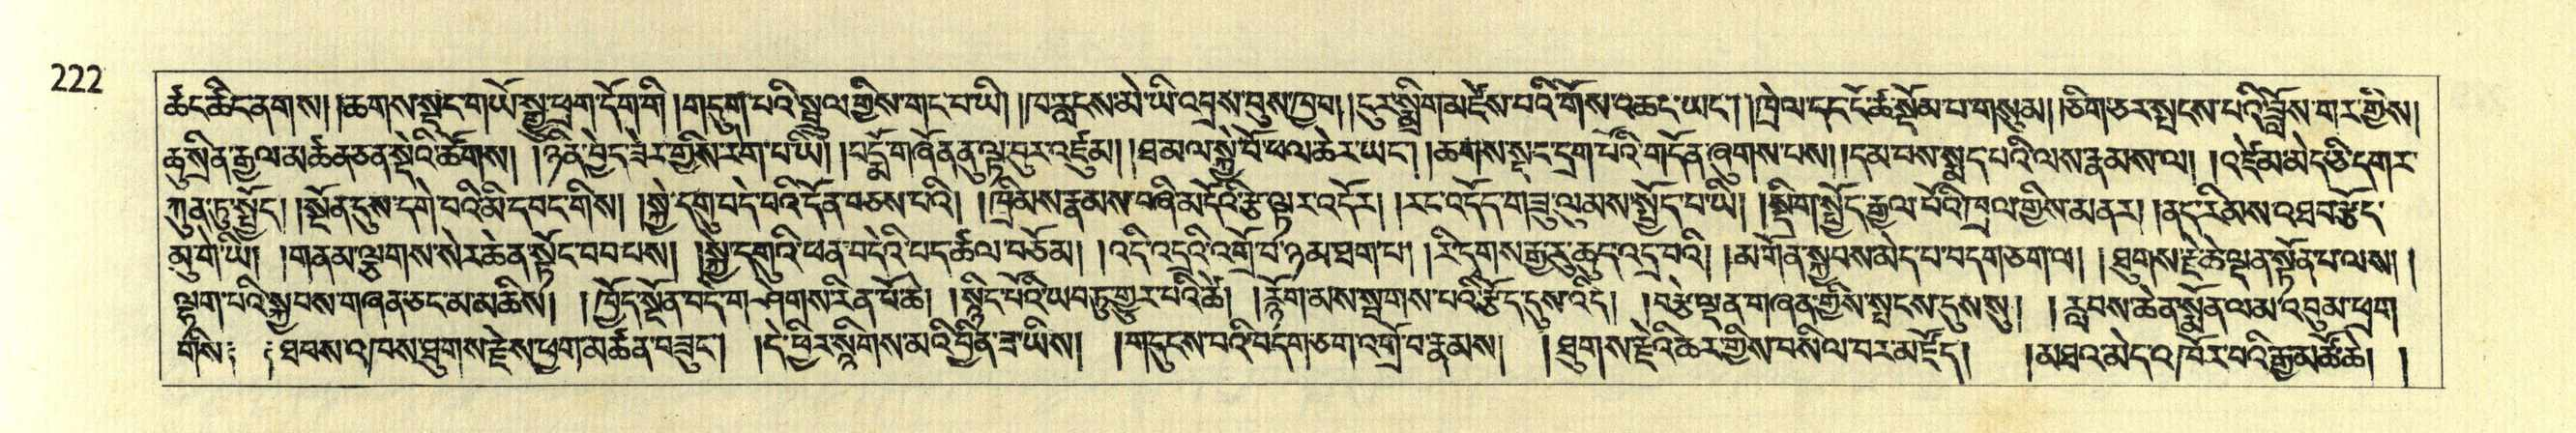ཚང་ཚིང་ནགས། །ཆགས་སྡང་གཡོ་སྒྱུ་ཕྲག་དོག་གི །གདུག་པའི་སྦྲུལ་གྱིས་གང་བ་ཡི། །ཁ་རླངས་མེ་ཡི་འབྲས་བུས་ཁྱབ། །དུར་སྨྲིག་མཛེས་པའི་གོས་འཆང་ཡང་། །ཁྲེལ་དང་ངོ་ཚ་སྡོམ་པ་གསུམ། །ཅིག་ཅར་སྤངས་པའི་ཟློས་གར་གྱིས།
ཆུ་སྲིན་རྒྱལ་མཚན་ཅན་སྡེའི་ཚོགས། །ཉིན་བྱེད་ཟེར་གྱིས་རེག་པ་ཡི། །པདམོ་གཞོན་ནུ་ལྟ་བུར་འཛུམ། །ཐ་མལ་སྐྱེ་བོ་ཕལ་ཆེར་ཡང་། །ཆགས་སྡང་དྲག་པོའི་གདོན་ཞུགས་པས། །དམ་པས་སྨད་པའི་ལས་རྣམས་ལ། །འཛེམ་མེད་ཅི་དགར་
ཀུན་ཏུ་སྤྱོད། །སྔོན་དུས་དགེ་བའི་མི་དབང་གིས། །སྐྱེ་དགུ་བདེ་བའི་དོན་བཅས་པའི། །ཁྲིམས་རྣམས་བཞི་མདོའི་རྩ་ལྟར་འདོར། །རང་འདོད་གཟུ་ལུམས་སྤྱོད་པ་ཡི། །སྡིག་སྤྱོད་རྒྱལ་པོའི་ཁྲལ་གྱིས་མནར། །ནད་རིམས་འཐབ་རྩོད་
མུ་གེ་ཡི། །གནམ་ལྕགས་སེར་ཆེན་སྟོང་བབ་པས། །སྐྱེ་དགུའི་ཕན་བདེའི་པད་ཚལ་བཅོམ། །འདི་འདྲའི་འགྲོ་བ་ཉམ་ཐག་པ། །རི་དྭགས་རྒྱ་རུ་ཆུད་འདྲ་བའི། །མགོན་སྐྱབས་མེད་པ་བདག་ཅག་ལ། །ཐུགས་རྗེ་ཆེ་ལྡན་སྟོན་པ་ལས། །
ལྷག་པའི་སྐྱབས་གཞན་ཅང་མ་མཆིས། །ཁྱོད་སྔོན་བདེ་གཤེགས་རིན་པོ་ཆེ། །སྙིང་པོའི་ཡབ་ཏུ་གྱུར་པའི་ཚེ། །རྙོག་མས་སྦགས་པའི་རྩོད་དུས་འདི། །བརྩེ་ལྡན་གཞན་གྱིས་སྤངས་དུས་སུ། །རླབས་ཆེན་སྨོན་ལམ་འབུམ་ཕྲག་
གིས༑ ༑ཐབས་མཁས་ཐུགས་རྗེས་ཕྱག་མཚན་བཟུང་། །དེ་ཕྱིར་སྙིགས་མའི་བྱིན་ཟ་ཡིས། །གདུངས་བའི་བདག་ཅག་འགྲོ་བ་རྣམས། །ཐུགས་རྗེའི་ཆར་གྱིས་བསིལ་བར་མཛོད། །མཐའ་མེད་འཁོར་བའི་རྒྱ་མཚོ་ཆེ། །